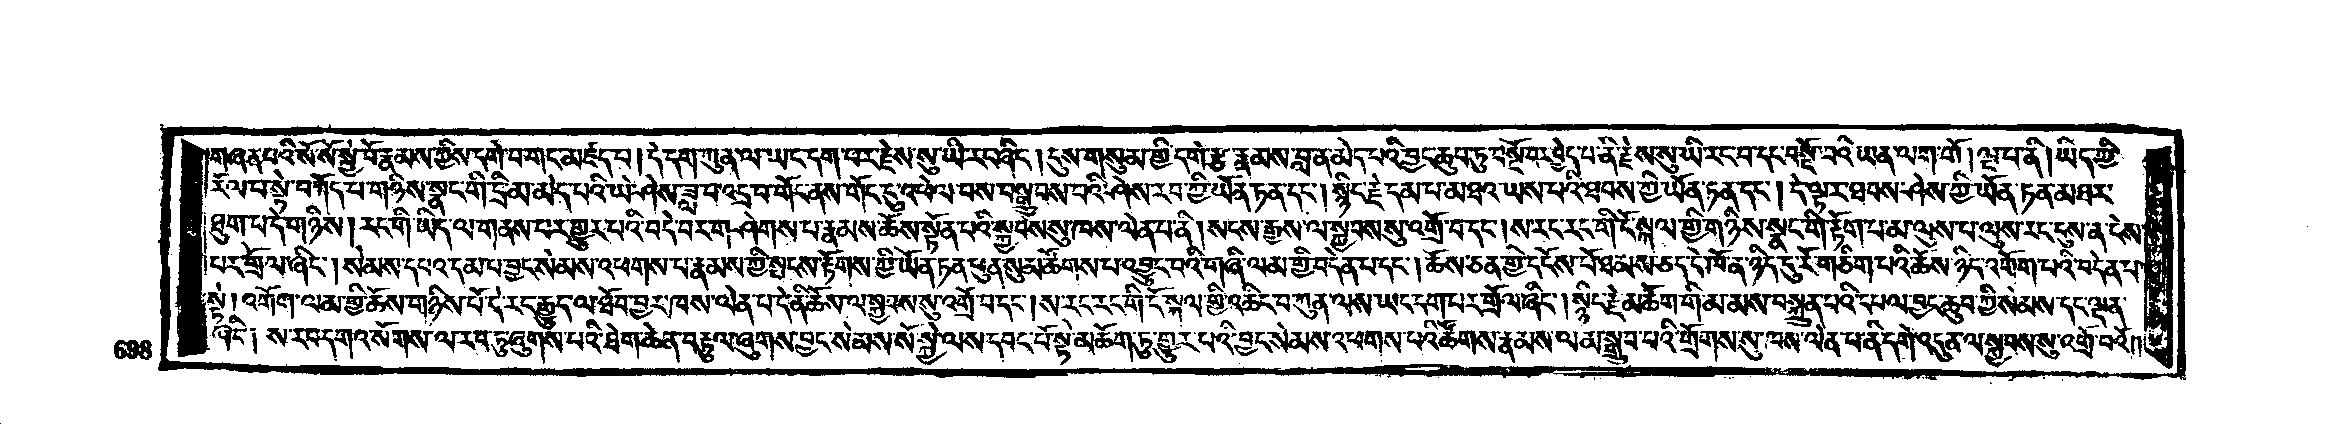གཞན་པའི་སོ་སོ་སྐྱེ་བོ་རྣམས་ཀྱིས་དགེ་བ་གང་མཛད་པ། དེ་དག་ཀུན་ལ་ཡང་དག་པར་རྗེས་སུ་ཡི་རང་ཞིང་། དུས་གསུམ་གྱི་དགེ་རྩ་རྣམས་བླ་ན་མེད་པའི་བྱང་ཆུབ་ཏུ་བསྔོ་བར་བྱེད་པ་ནི་རྗེས་སུ་ཡི་རང་བ་དང་བསྔོ་བའི་ཡན་ལག་གོ །ལྔ་པ་ནི། ཡིད་ཀྱི་
རོལ་པ་སྟེ་བཀོད་པ་གཉིས་སྣང་གི་དྲི་མ་མེད་པའི་ཡེ་ཤེས་ཟླ་བ་འདྲ་བ་གོང་ནས་གོང་དུ་འཕེལ་བས་བསྒྲུབས་པའི་ཤེས་རབ་ཀྱི་ཡོན་ཏན་དང་། སྙིང་རྗེ་དམ་པ་མཐའ་ཡས་པའི་ཐབས་ཀྱི་ཡོན་ཏན་དང་། དེ་ལྟར་ཐབས་ཤེས་ཀྱི་ཡོན་ཏན་མཐར་
ཐུག་པ་དེ་གཉིས། རང་གི་ཡིད་ལ་གནས་པར་གྱུར་པའི་བདེ་བར་གཤེགས་པ་རྣམས་ཆོས་སྟོན་པའི་སྐྱབས་སུ་ཁས་ལེན་པ་ནི། སངས་རྒྱས་ལ་སྐྱབས་སུ་འགྲོ་བ་དང་། ས་རང་རང་གི་ངོ་སྐལ་གྱི་གཉིས་སྣང་གི་རྟོག་པ་མ་ལུས་པ་ལུས་རང་དུས་ན་ངེས་
པར་གྲོལ་ཞིང་། སེམས་དཔའ་དམ་པ་བྱང་སེམས་འཕགས་པ་རྣམས་ཀྱི་སྤངས་རྟོགས་ཀྱི་ཡོན་ཏན་ཕུན་སུམ་ཚོགས་པ་འབྱུང་བའི་གཞི་ལམ་གྱི་བདེན་པ་དང་། ཆོས་ཅན་གྱི་དངོས་པོ་ཐམས་ཅད་དེ་ཁོ་ན་ཉིད་དུ་རོ་གཅིག་པའི་ཆོས་ཉིད་འགོག་པའི་བདེན་པ་
སྟེ། འགོག་ལམ་གྱི་ཆོས་གཉིས་པོ་དེ་རང་རྒྱུད་ལ་ཐོབ་བྱར་ཁས་ལེན་པ་དེ་ནི་ཆོས་ལ་སྐྱབས་སུ་འགྲོ་བ་དང་། ས་རང་རང་གི་ངོ་སྐལ་གྱི་འཆིང་བ་ཀུན་ལས་ཡང་དག་པར་གྲོལ་ཞིང་། སྙིང་རྗེ་མཆོག་གི་མ་མས་བསྐྲུན་པའི་དཔལ་བྱང་ཆུབ་ཀྱི་སེམས་དང་ལྡན་
ཞིང༑ ས་རབ་དགའ་སོགས་ལ་རབ་ཏུ་ཞུགས་པའི་ཐེག་ཆེན་བརྟུལ་ཞུགས་བྱང་སེམས་སོ་སྐྱེ་ལས་དབང་པོ་སྟེ་མཆོག་ཏུ་གྱུར་པའི་བྱང་སེམས་འཕགས་པའི་ཚོགས་རྣམས་ལ་མ་སྒྲུབ་པའི་གྲོགས་སུ་ཁས་ལེན་པ་ནི་དགེ་འདུན་ལ་སྐྱབས་སུ་འགྲོ་བའོ།